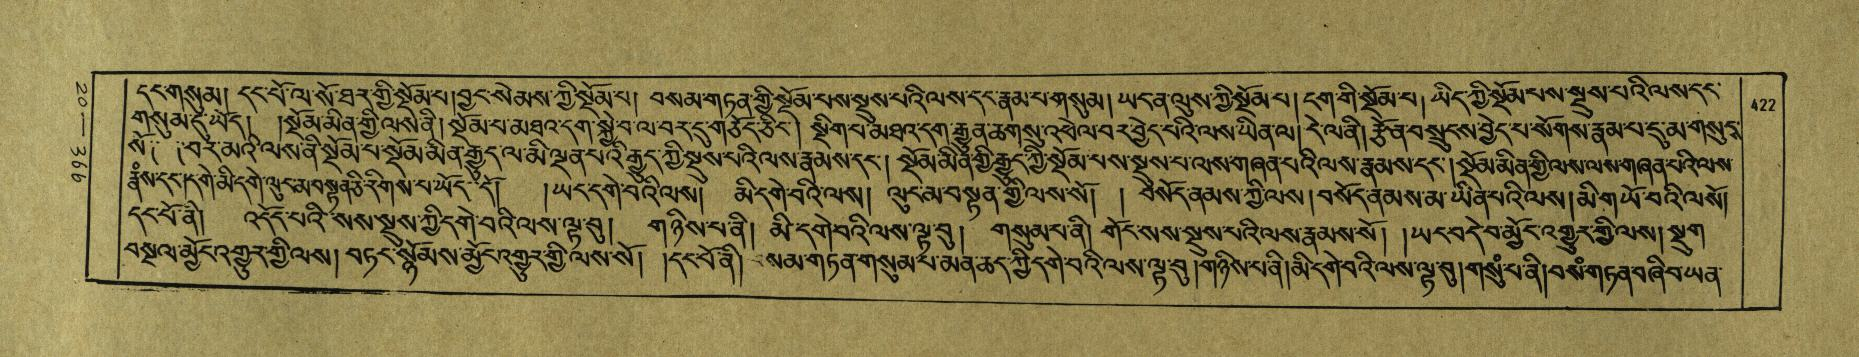དང་གསུམ། དང་པོ་ལ་སོ་ཐར་གྱི་སྡོམ་པ། བྱང་སེམས་ཀྱི་སྡོམ་པ། བསམ་གཏན་གྱི་སྡོམ་པས་སྡུས་པའི་ལས་དང་རྣམ་པ་གསུམ། ཡང་ན་ལུས་ཀྱི་སྡོམ་པ། ངག་གི་སྡོམ་པ། ཡིད་ཀྱི་སྡོམ་པས་སྡུས་པའི་ལས་དང་
གསུམ་དུ་ཡོད། །སྡོམ་མིན་གྱི་ལས་ནི། སྡོམ་པ་མཐའ་དག་སྐྱེ་བ་ལ་བར་དུ་གཅོད་ཅིང་། སྡིག་པ་མཐའ་དག་རྒྱུན་ཆག་སུ་འཕེལ་བར་བྱེད་པའི་ལས་ཡིན་ལ། དེ་ལ་ནི། རྩོན་བསྲུངས་བྱེད་པ་སོགས་རྣམ་པ་དུ་མ་གསུངས་
སོ༑ ༑བར་མའི་ལས་ནི་སྡོམ་པ་སྡོམ་མིན་རྒྱུད་ལ་མི་ལྡན་པའི་རྒྱུད་ཀྱི་སྡུས་པའི་ལས་རྣམས་དང་། སྡོམ་མིན་གྱི་རྒྱུད་ཀྱི་སྡོམ་པས་སྡུས་པ་ལས་གཞན་པའི་ལས་རྣམས་དང་། སྡོམ་མིན་གྱི་ལས་ལས་གཞན་པའི་ལས་
རྣཾས་དང་། དགེ་མི་དགེ་ལུང་མ་བསྟན་ཅི་རིགས་པ་ཡོད་དོ། །ཡང་དགེ་བའི་ལས། མི་དགེ་བའི་ལས། ལུང་མ་བསྟན་གྱི་ལས་སོ། །བསོད་ནམས་ཀྱི་ལས། བསོད་ནམས་མ་ཡིན་པའི་ལས། མི་གཡོ་བའི་ལསོ།
དང་པོ་ནི། འདོད་པའི་སས་སྡུས་ཀྱི་དགེ་བའི་ལས་ལྟ་བུ། གཉིས་པ་ནི། མི་དགེ་བའི་ལས་ལྟ་བུ། གསུམ་པ་ནི། གོང་སས་སྡུས་པའི་ལས་རྣམས་སོ། །ཡང་བདེ་བ་མྱོང་འགྱུར་གྱི་ལས། སྡུག་
བསྔལ་མྱོང་འགྱུར་གྱི་ལས། བཏང་སྙོམས་མྱོང་འགྱུར་གྱི་ལས་སོ། །དང་པོ་ནི། བསམ་གཏན་གསུམ་པ་མན་ཆད་ཀྱི་དགེ་བའི་ལས་ལྟ་བུ་།གཉིས་པ་ནི། མི་དགེ་བའི་ལས་ལྟ་བུ། གསུཾ་པ་ནི། བསཾ་གཏན་བཞི་བ་ཡན་